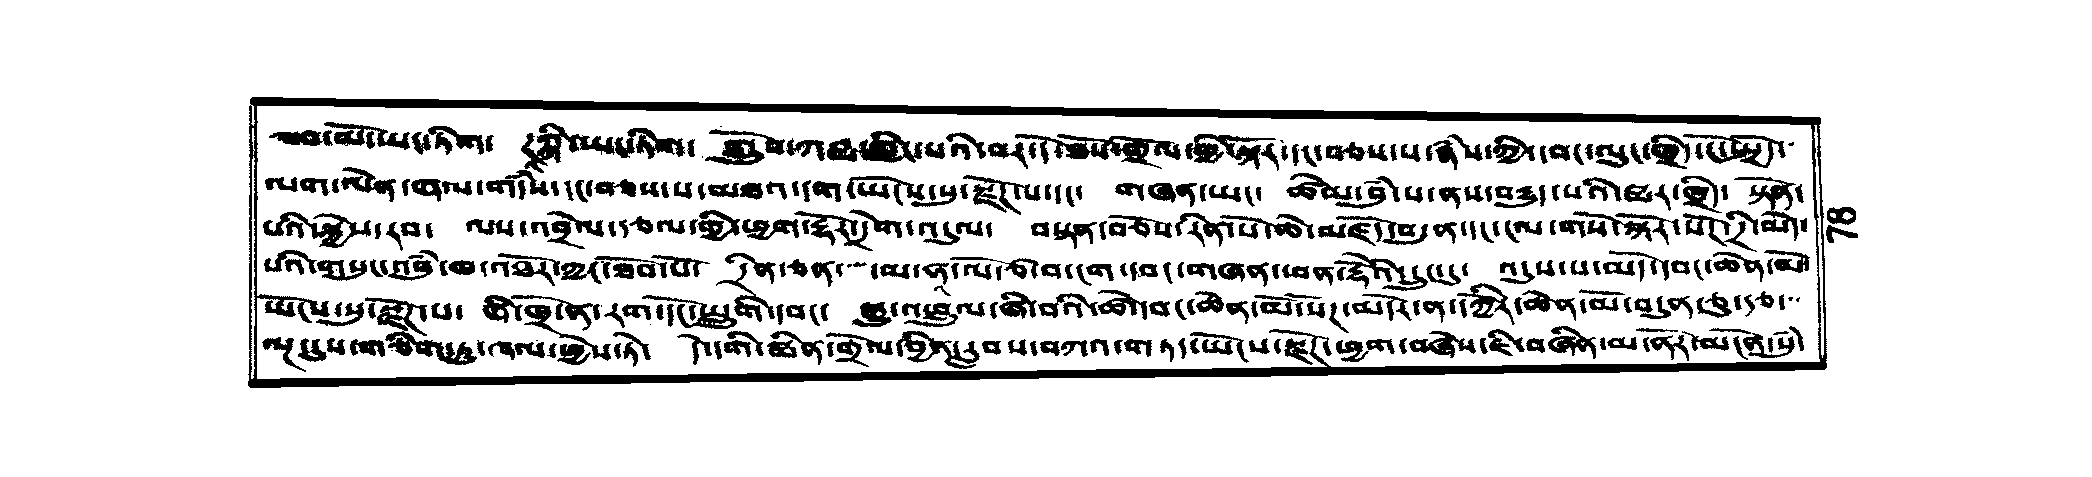ཟབ་མོ་ཡང་ཏིག ཌཱཀྐི་ཡང་ཏིག གྲུབ་ཐོབ་ཀརྨ་གླིང་པའི་བར་དོ་ཐོས་གྲོལ་གྱི་སྐོར་དང་བཅས་པ་རྣམས་ཀྱི་དབང་ལུང་ཁྲིད་ངོ་སྤྲོད་
ལག་ལེན་ཞལ་གདམས་དང་བཅས་པ་མཐའ་དག་ཡོངས་སུ་རྫོགས་པ་དང་། གཞན་ཡང་། ཚེམ་བུ་པ་ནས་བརྒྱུད་པའི་དམ་ཁྲིད། སྟོན་
པའི་སྐྱེས་རབས། ལས་འབྲེལ་རྩལ་གྱི་ཕྱག་རྡོར་དྲེགས་འདུལ། བསྟན་བཅོས་རིན་པོ་ཆེ་མཛོད་བདུན་དང་ངལ་གསོ་སྐོར་གསུམ་སོགས་ཀློང་ཆེན་
པའི་གསུང་འབུམ་ཁ་འཐོར་ཐོབ་བོ། དྲིན་ཅན་མ་ཧཱ་ལོ་ཙཱ་བ་ངག་དབང་གཞན་ཕན་རྡོ་རྗེའི་དྲུང་དུ། འདུས་པ་མདོ་དབང་ཆེན་མོ་
ཡོངས་སུ་རྫོགས་པ། ཞི་ཁྲོ་ན་རག་དོང་སྤྲུགས་ཀྱི་དབང་། སྒྱུ་འཕྲུལ་ཞི་བའི་ཚེ་དབང་ཆེན་མོ་སོགས་མདོར་ན་དཀྱིལ་འཁོར་ཆེན་མོ་མདུན་ཅུ་རྩ་
ལྔ་དུས་གཅིག་ཏུ་ཞལ་ཕྱེས་ཏེ། དེ་དག་གི་སྨིན་གྲོལ་བྱིན་རླབས་བཀའ་གཏད་ཡོངས་རྫོགས་ཕྱག་བཞེས་ཇི་བཞིན་མ་ནོར་མངོན་སུམ་